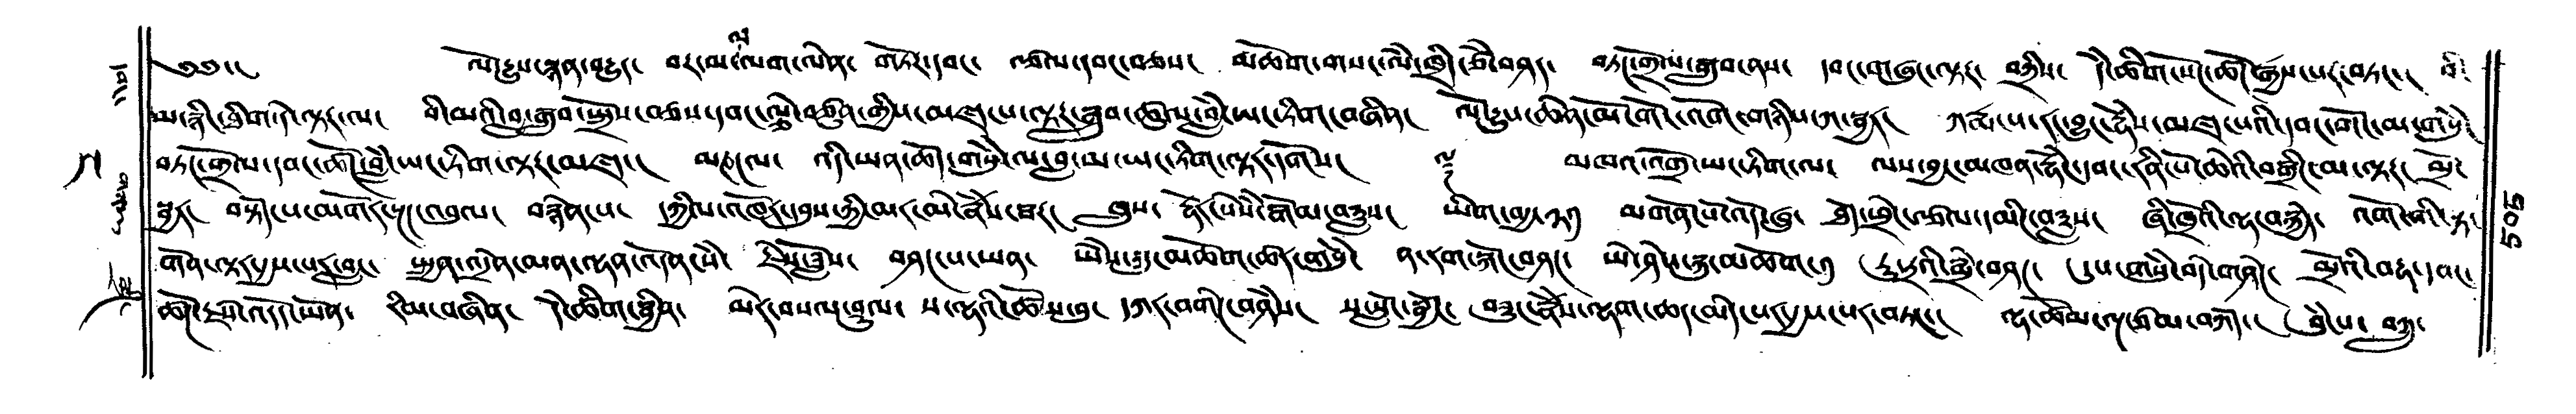ལོ་རྒྱུས་སྙན་བརྒྱུད། བར་མ་ལ་ལག་ལེན། གཏོར་དབང་། རྩལ་དབང་བཅས། མཆོག་གསང་ལམ་ཁྲིད་ཙམ་བཤད། བཏགས་གྲོལ་བསྒྲུབས་ནས། དབང་གཞུང་ལྟར། བཀྲ་ཤིས། དམ་ཚིག་སོགས་ཚོགས་རྒྱས་པར་གཏང་། བི་
མ་སྙིང་ཐིག་དེ་ལྟར་ལ། བི་མའི་བླ་སྒྲུབ་སྤྲོས་བཅས་དབང་ལྕེ་བཙུན་གྱིས་མཛད་པ་ལྟར་སྒྲུབ་ཚུལ་བླ་མ་ཡང་ཏིག་བཞིན། ལོ་རྒྱུས་ཆེན་མོ་གོང་འོག་གཉིས་ཀ་སྦྱར། ཀརྨ་པ་རང་བྱུང་རྡོ་རྗེས་མཛད་པའི་དབང་གོང་མ་གསུམ། 
བཏགས་གྲོལ་དབང་ཚོགས་བླ་མ་ཡང་ཏིག་ལྟར་མཛད། མཎྜལ། འདི་ཡན་ཆོད་གསུམ་ལ་བླ་མ་ཡང་ཏིག་ལྟར་དགོས། ༈ མཁའ་འགྲོ་ཡང་ཏིག་ལ། ལས་བྱང་མཁན་རྡོ་རྗེ་འཆང་རིན་པོ་ཆེའི་བསྒྲིགས་མ་ལྟར། མྲོ་
སྦྱར། བསྟོད་པ་མགོར་སྔགས་འབུལ། བསྙེན་པ། དཀྱིལ་འཁོར་དབུས་ཀྱི་མར་མེ་རྣམས་སྦར། ཁྲུས། རྡོར་སེམས་སྒོམ་བཟླས། ཡིག་བརྒྱ་ཉེར་གཅིག མགོན་པོ་འོད་ཞུ། ཐོད་ཕྲེང་རྩལ་དམིགས་བཟླས། ཞི་ཁྲོའི་ལྷ་བསྐྱེད། འོག་གི་སྟ་
གོན་ལྟར་རྒྱས་པར་བླང་། སྤྱན་འདྲེན་མན་ལྷག་འདོན་ནམ། རྗེས་ཟློས། བཤགས་པ་ཡན། ཡེ་ཤེས་སྐུ་མཆོག༴ ཚར་གསུམ། ན་རག་སྐོང་བཤགས། ཡེ་ཤེས་སྐུ་མཆོག༴ རུ་ཏྲའི་སྨྲེ་བཤགས། དུས་གསུམ་བདེ་གཤེགས༴ མཁའ་འགྲོའི་བརྡ་དབང་། 
ཚོགས་རྫས་འདོད་ཡོན༴རིམ་བཞིན། དམ་ཚིག་སྦྱིན། མར་མེ་བསལ་ཤུལ། ས་ལྷའི་ཚོམ་བུ། དཀར་བགེགས་བཤམ། ས་སློང་སྦྱོང་བཟུང་རྣམས་ལྷག་ཆད་མེད་པར་རྒྱས་པར་གཏང་། ལྷ་ཚོམ་ལྔ་ཙམ་འགཽད། བུམ་པ། བཀྲུ་